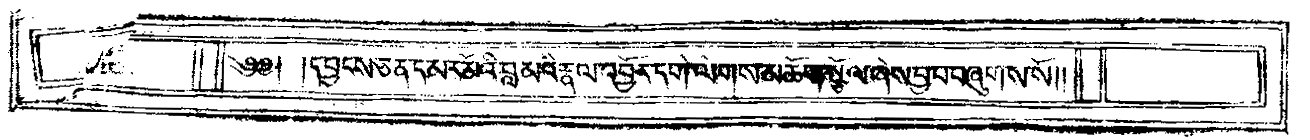༄༅། །དབྱངས་ཅན་དམར་མོའི་བླ་མའི་རྣལ་འབྱོར་དགེ་ལེགས་མཆོག་སྩོལ་ཞེས་བྱ་བ་བཞུགས་སོ། །